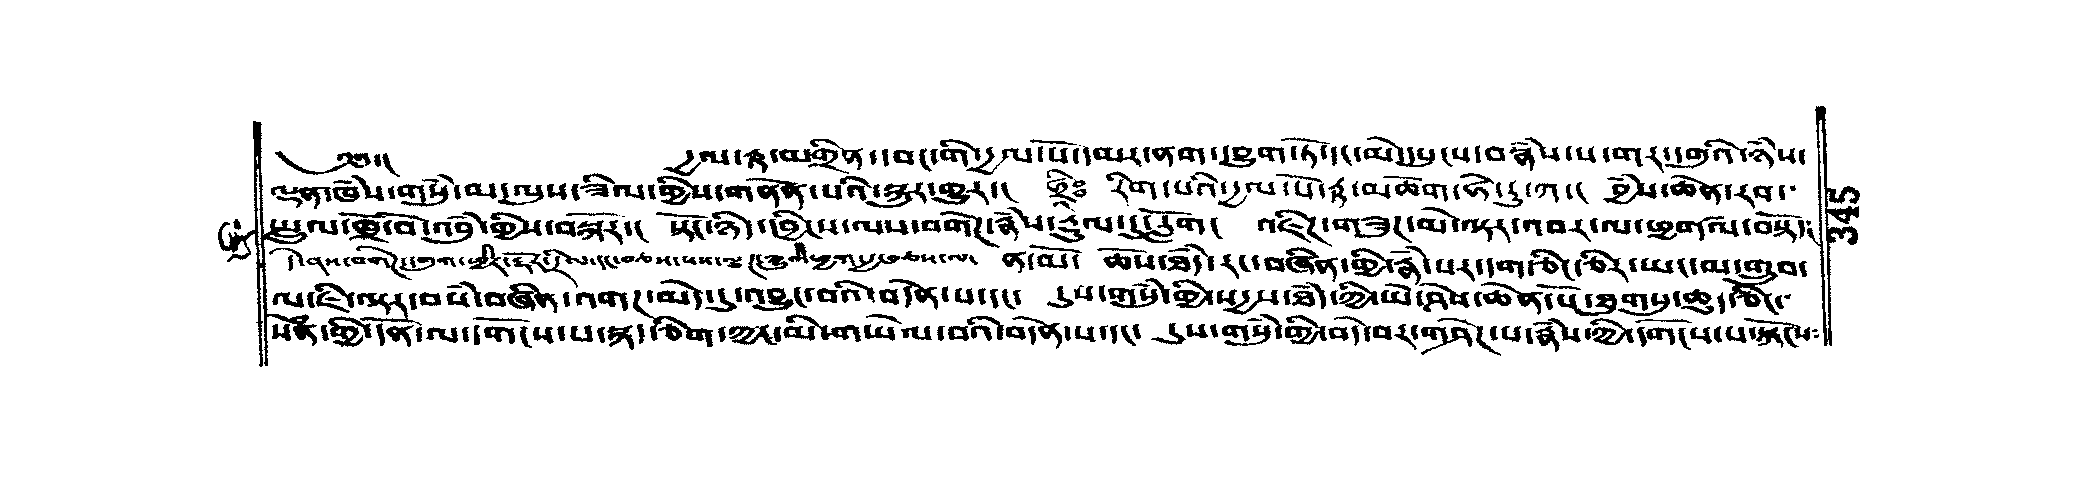རྒྱལ་རྟ་མགྲིན་དབང་གྱི་རྒྱལ་པོ་དམར་ནག་དབྱུག་ཏོ་དང་མེ་དཔུང་བསྣམས་པ་གར་དགུའི་ཉམས་
ལྡན་ཁམས་གསུམ་མ་ལུས་ཟིལ་གྱིས་གནོན་པའི་སྐུར་གྱུར། ཧྲཱིཿ རིག་པའི་རྒྱལ་པོ་རྟ་མཆོག་ཧེ་རུ་ཀཿ བྱམས་ཆེན་རབ་
སྤྲུལ་ཁྲོ་བོ་འབུམ་གྱིས་བསྐོར། །སྟོང་ཉིད་བྱིངས་ལས་བགེགས་རྣམས་རྡུལ་དུ་རློག །འཇིགས་གཟུགས་མེ་ལྟར་འབར་ལ་ཕྱག་འཚལ་བསྟོད། 
དེ་ནས་བགེགས་དགུག་ཕྱིར་རྡོར་དྲིལ་དང་བཅས་པས་ལྕགས་ཀྱུའི་ཕྱག་རྒྱ་བཅས་ལ། ན་མོ། ཆོས་ཐམས་ཅད་རང་བཞིན་གྱི་རྣམ་པར་དག་ཅིང་ཅིར་ཡང་མ་གྲུབ་
ལ་ཇི་ལྟར་བསམ་བཞིན་འགགས་མེད་དུ་འབྱུང་བའི་བདེན་པ་དང་། དུས་གསུམ་གྱི་སངས་རྒྱས་ཐམས་ཅད་ཀྱི་ཡེ་ཤེས་ཆེན་པོ་ཐུགས་སུ་ཆུད་ཅིང་
སེམས་ཅན་གྱི་དོན་ལ་དགོངས་པ་སྐད་ཅིག་ཀྱང་མི་གཡེལ་བའི་བདེན་པ་དང་། དུས་གསུམ་གྱི་བདེ་བར་གཤེགས་པ་རྣམ་ཀྱི་དགོངས་པ་སྐོངས་